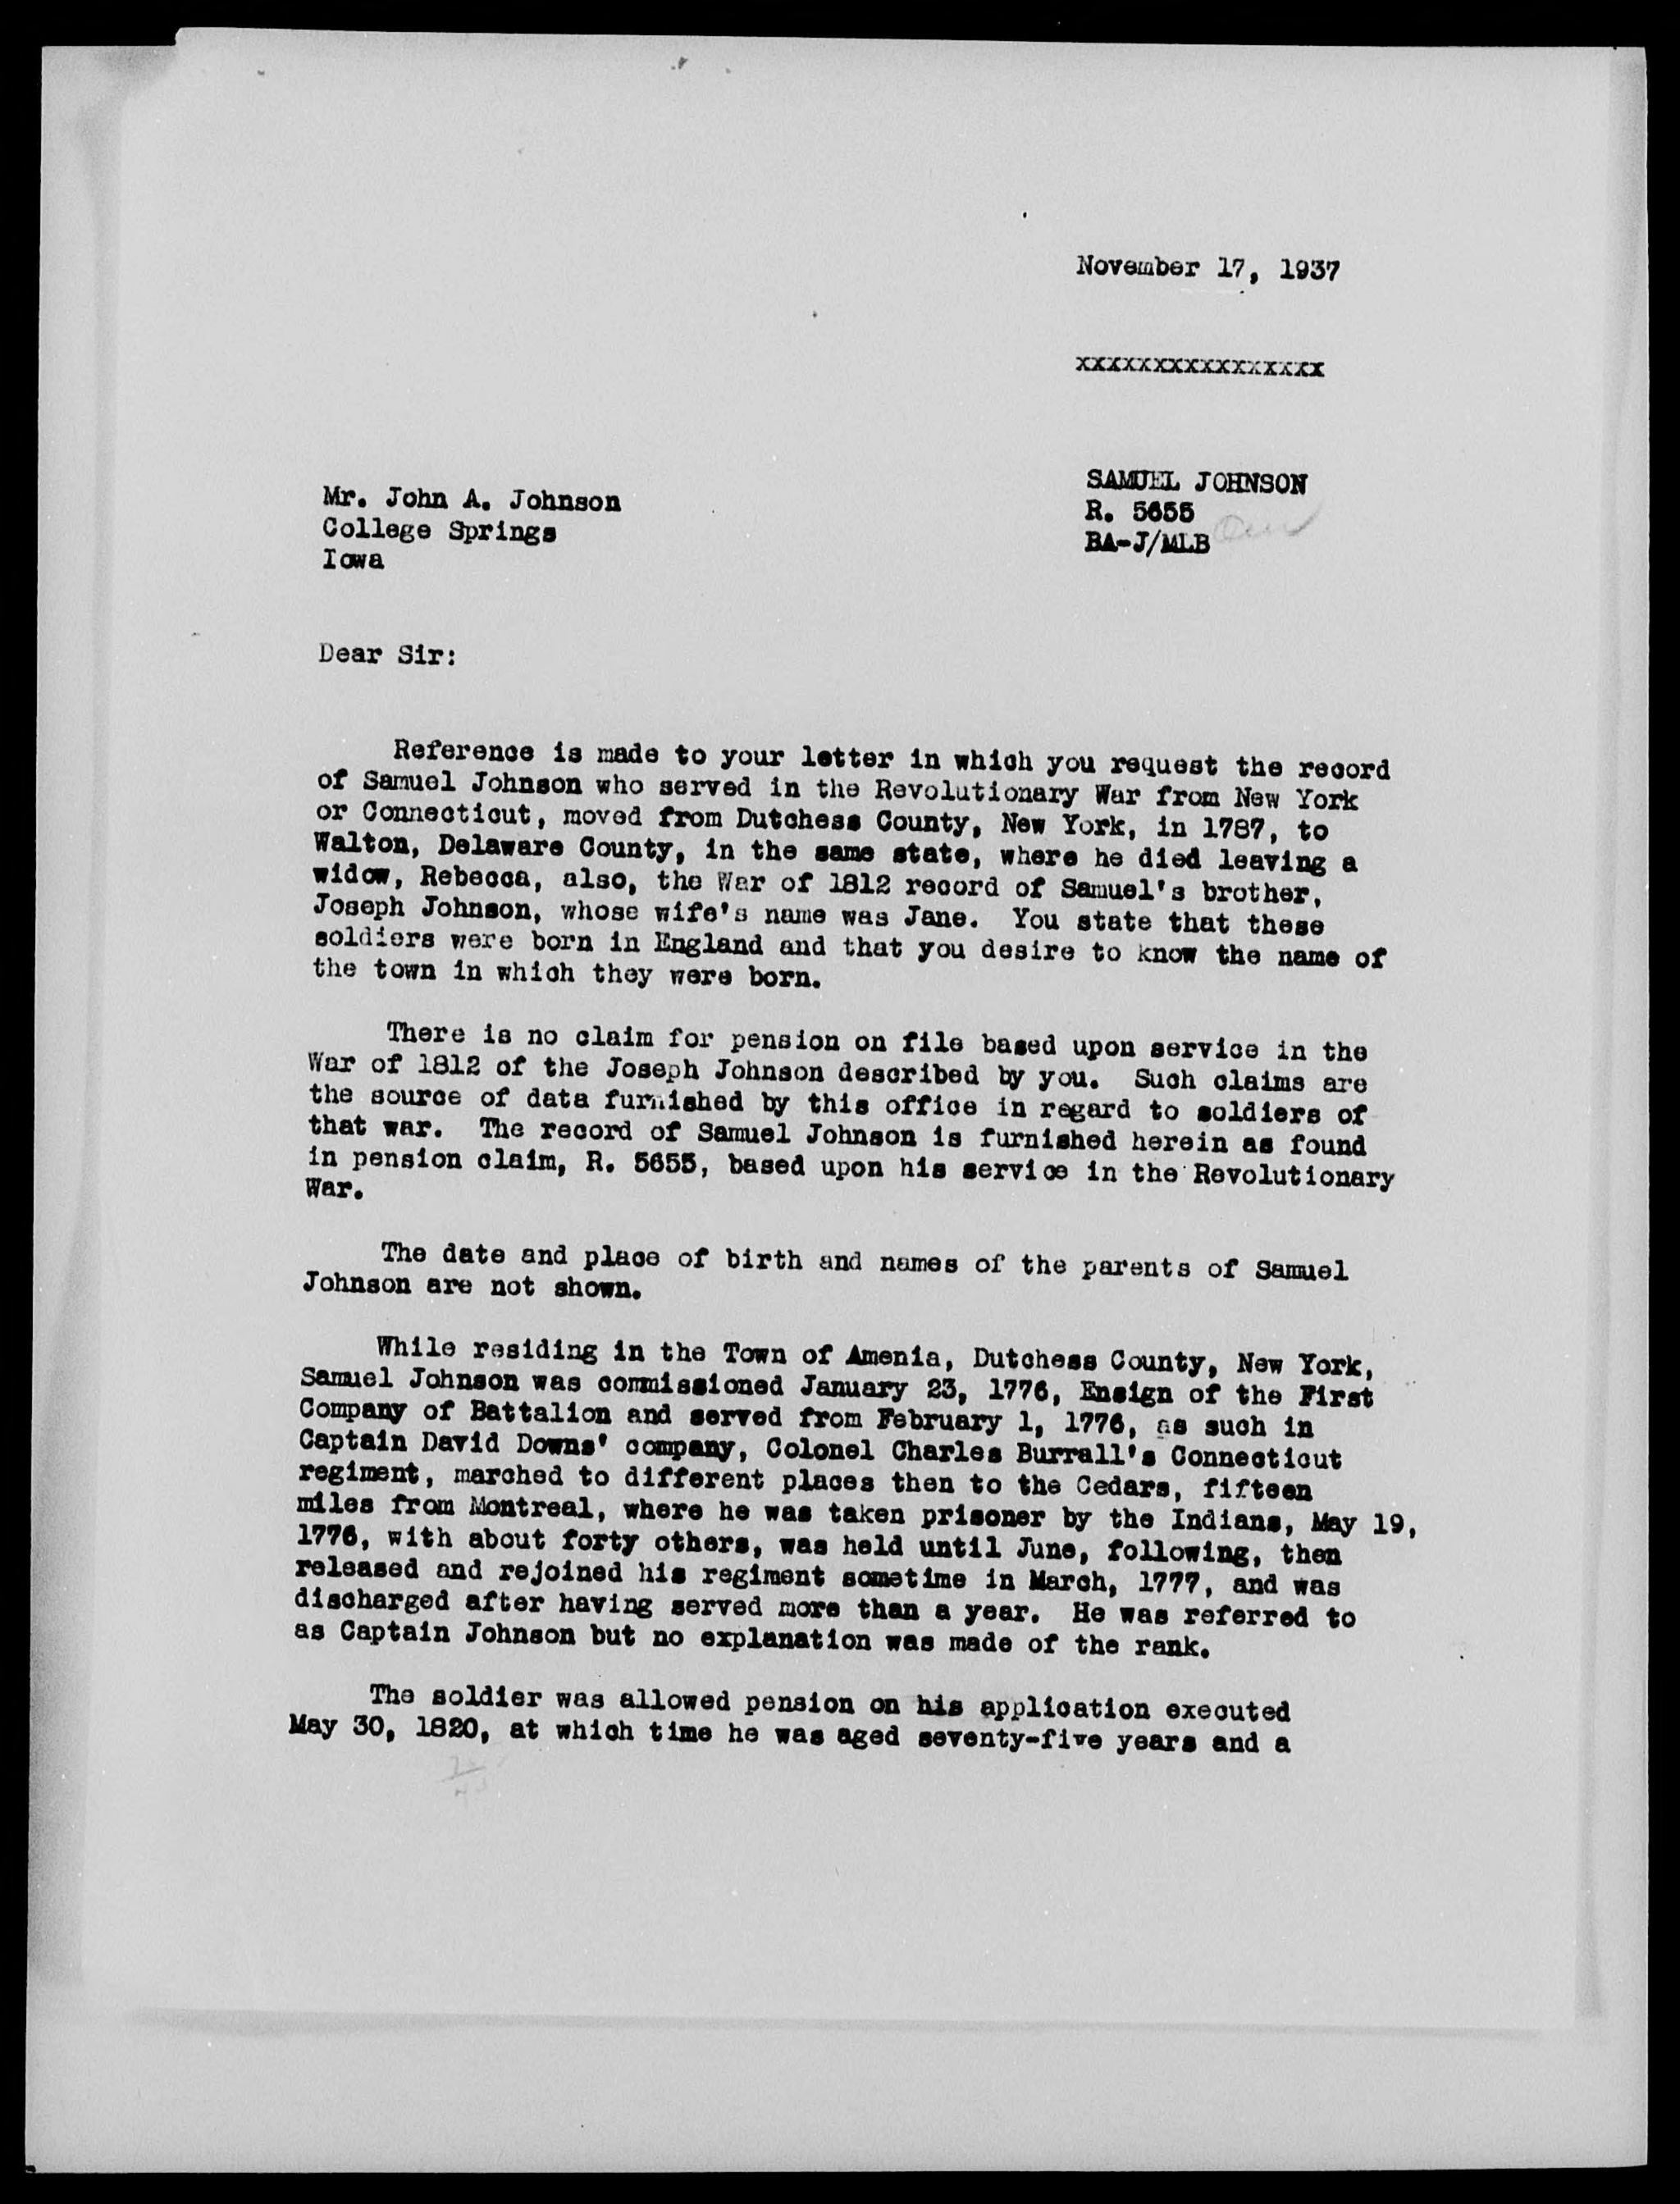November 17, 1937 
SAMUEL JOHNSON 
R. 5655 
BA-J/MLB OWN
Mr. John A. Johnson 
College Springs 
Iowa 
Dear Sir: 
Reference is made to your letter in which you request the record of Samuel Johnson who served in the Revolutionary War from New York or Connecticut, moved from Dutchess County, New York, in 1787, to Walton, Delaware County, in the same state, where he died leaving a widow, Rebecca, also, the War of 1812 record of Samuel's brother, Joseph Johnson, whose wife's name was Jane. You state that these soldiers were born in England and that you desire to know the name of the town in which they were born. 
There is no claim for pension on file based upon service in the War of 1812 of the Joseph Johnson described by you. Such claims are the source of data furnished by this office in regard to soldiers of that war. The record of Samuel Johnson is furnished herein as found in pension claim, R. 5655, based upon his service in the Revolutionary War.  
The date and place of birth and names of the parents of Samuel Johnson are not shown. 
While residing in the Town of Amenia, Dutchess County, New York, Samuel Johnson was commissioned January 23, 1776, Ensign of the First Company of Battalion and served from February 1, 1776, as such in Captain David Downs' company, Colonel Charles Burrell's Connecticut regiment, marched to different places then to the Cedars, fifteen miles from Montreal, where he was taken prisoner by the Indians, May 19, 1776, with about forty others, was held until June following, then released and rejoined his regiment sometime in March, 1777, and was discharged after having served more than a year. He was referred to as Captain Johnson but no explanation was made of the rank.   
The soldier was allowed pension on his application executed May 30, 1820, at which time he was aged seventy-five years and a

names: John A Johnson; [BLANK] Rebecca; Joseph Johnson; Samuel Johnson; Jane [BLANK]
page: 22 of 43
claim: rejected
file: R. 5655, for Samuel Johnson, Connecticut